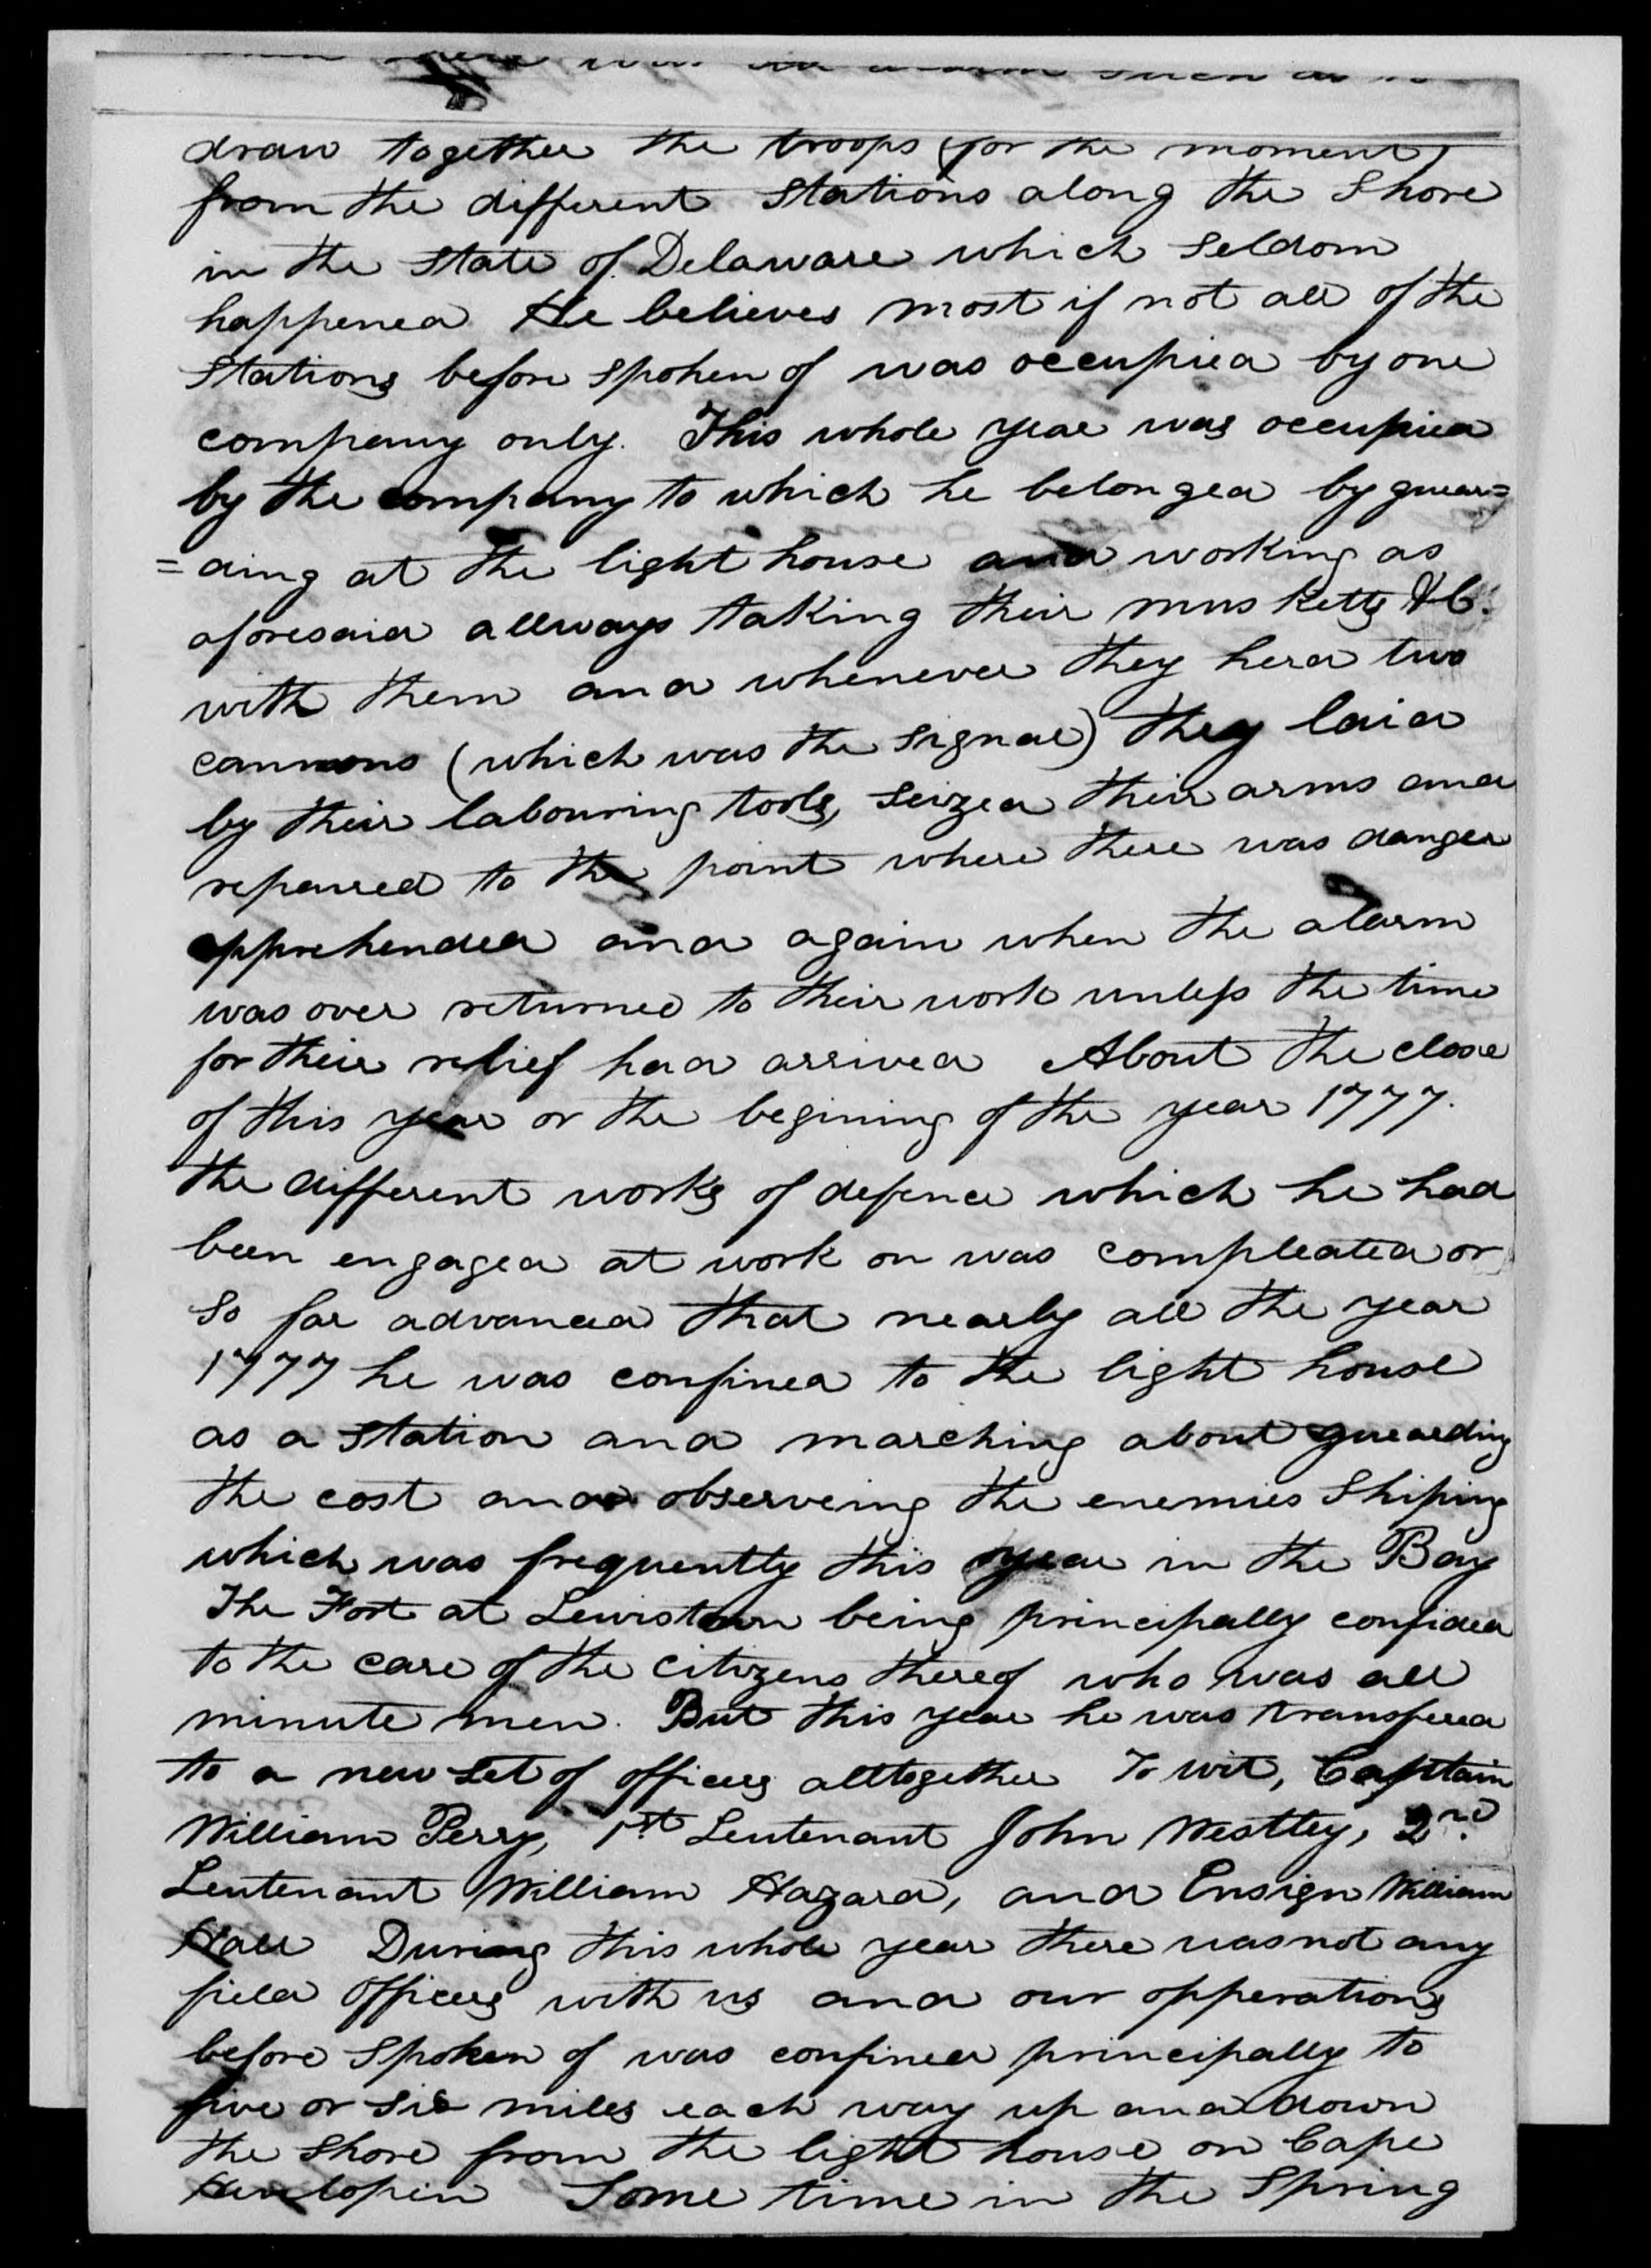Draw together the troops for the moment from the different stations along the shore in the State of Delaware which seldom happened. He believes if not all of the stations before spoken of was occupied by one company only.  This whole year was occupied by the company to which he belonged by guarding at the lighthouse and working as aforesaid always taking the muskets with them and whenever they heard two cannons (which was the signal) they laid down their laboring tools, seized their arms and repaired to the points where there was danger apprehended and again when the alarm was over returned to their work unless the time for their relief had arrived. About the close of this year of teh beginning of the year 1777 the different works of defence which he had been engaged at work on was completed or so far advanced that nearly all the year 1777 he was confined to the lighthouse as a station and marching about guarding the coast and observing the enemies shipping which was frequently this year in the Bay. The fort at Lewiston being principally confided to the care of the citizens thereof who was all minute men.  But this year he was transferred to a new set of officers altogether.  To wit, Captain William Perry, 1st Lieutenant John Weattey, 2nd Lieutenant William Hazard, and Ensign William Hall.  During this whole year there was not a field officer with us and our operations before spoken of was confined principally to five or six miles each way up and down the shore from the lighthouse on Cape Henlopen.  Some time in the spring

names: William Hall; William Hazara; John Weattey; William Perry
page: 5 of 25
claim: survivor's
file: S. 13789, for Samuel Lockwood, Delaware